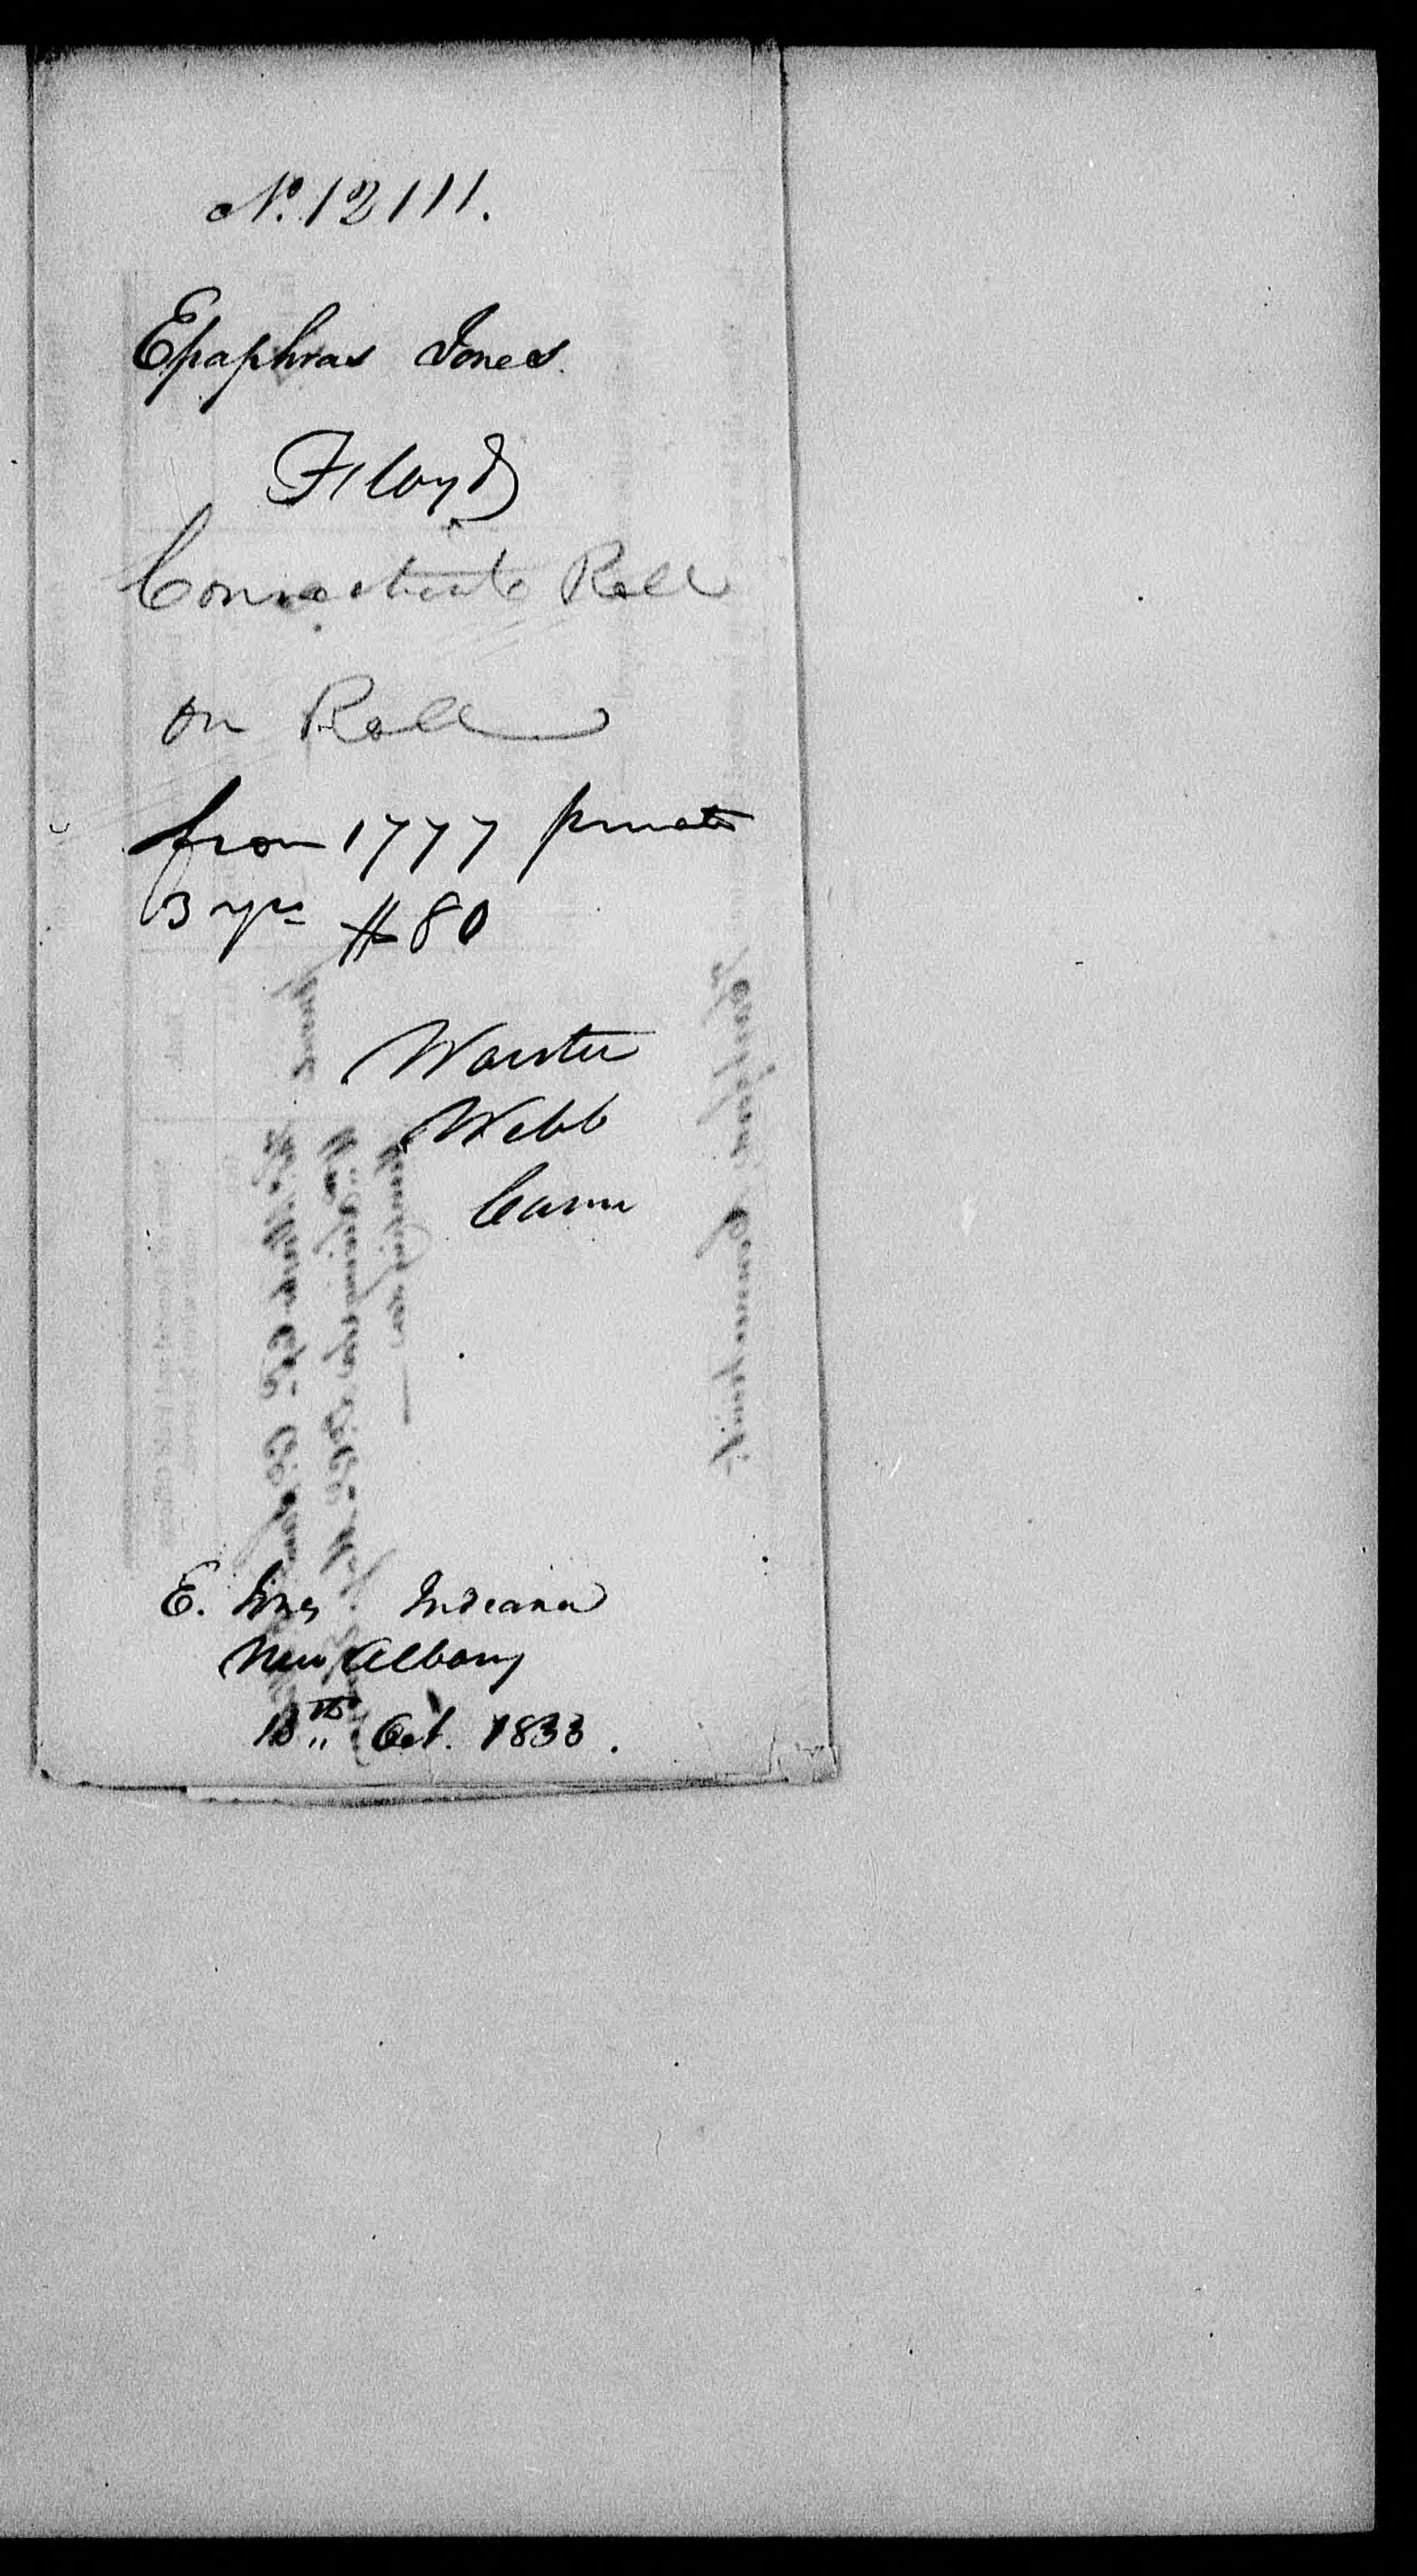Epaphras Jones

Floyd

Connecticut Roll

of Roll
from 1777 private
3 yrs [  ] 80

Warster
Webb
Cas[  ]

E. [    ]   Indiana
New Albany
13th Oct 1833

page: 3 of 17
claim: survivor's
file: S. 16889, for Epaphras Jones, Connecticut